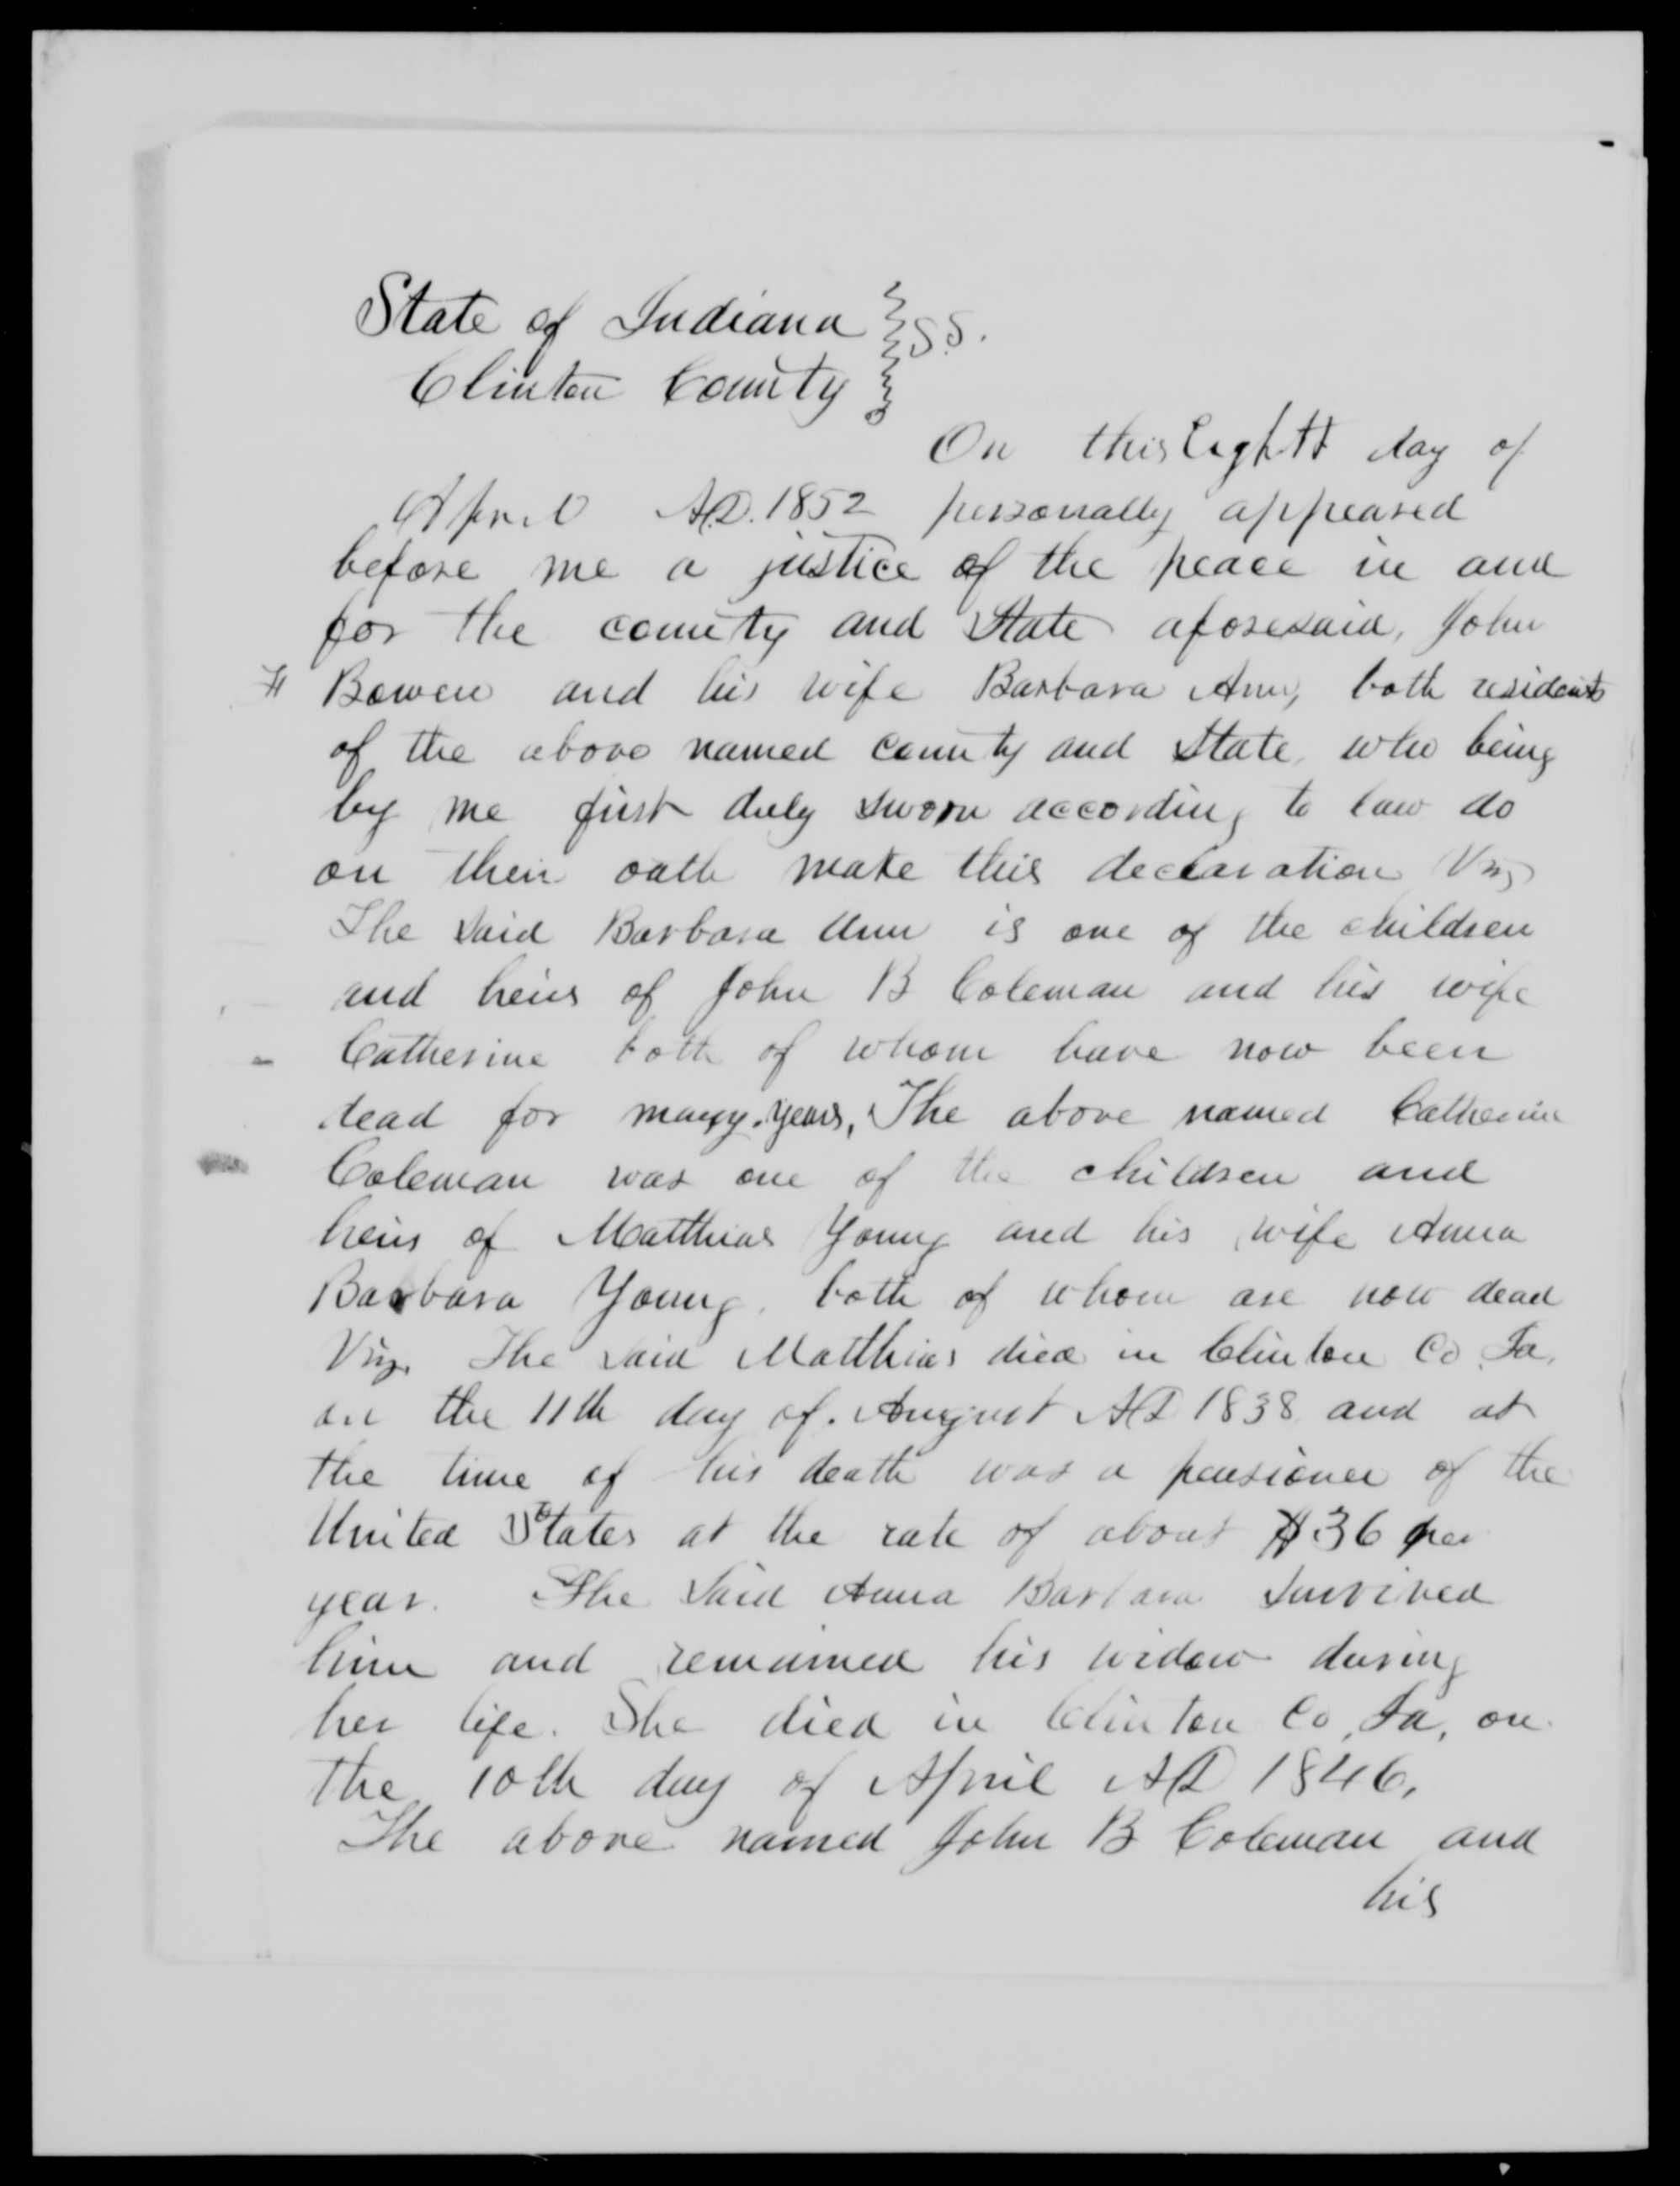State of Indiana Clinton County SS
On this Eighth day of April A.D. 1852
personally appeared before me a justice of the peace in and for the County and State aforesaid, John Bowen and his wife Barbara Ann, both residents of the above named County and State, who being by me first duly sworn according to law do on their oath make this declaration (viz)
The said Barbara Ann is one of the children
and heirs of John B Coleman and his wife
Catherine both of whom have now been dead for 
many years. The above named Catherine
Coleman was one of the children and
heirs of Matthias Young and his wife Anna
Barbara Young, both of whom are now dead
Viz. The said Matthias died in Clinton Co. Ia.
on the 11th day of August AD 1838 and at
the time of his death was a pensioner of the
United States at the rate of about $36 per
year. The said Anna Barbara Survived
him and remained his widow during
her life. She died in Clinton Co Ia, on
the 10th day of April AD 1846
The above named John B Coleman and
his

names: Barbara Ann, Anna Barbara Young, Matthias Young, John B Coleman, John F Bowen, Catherine Coleman, Catherine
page: 116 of 123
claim: rejected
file: R. 11,949, Matthias Young, Md.